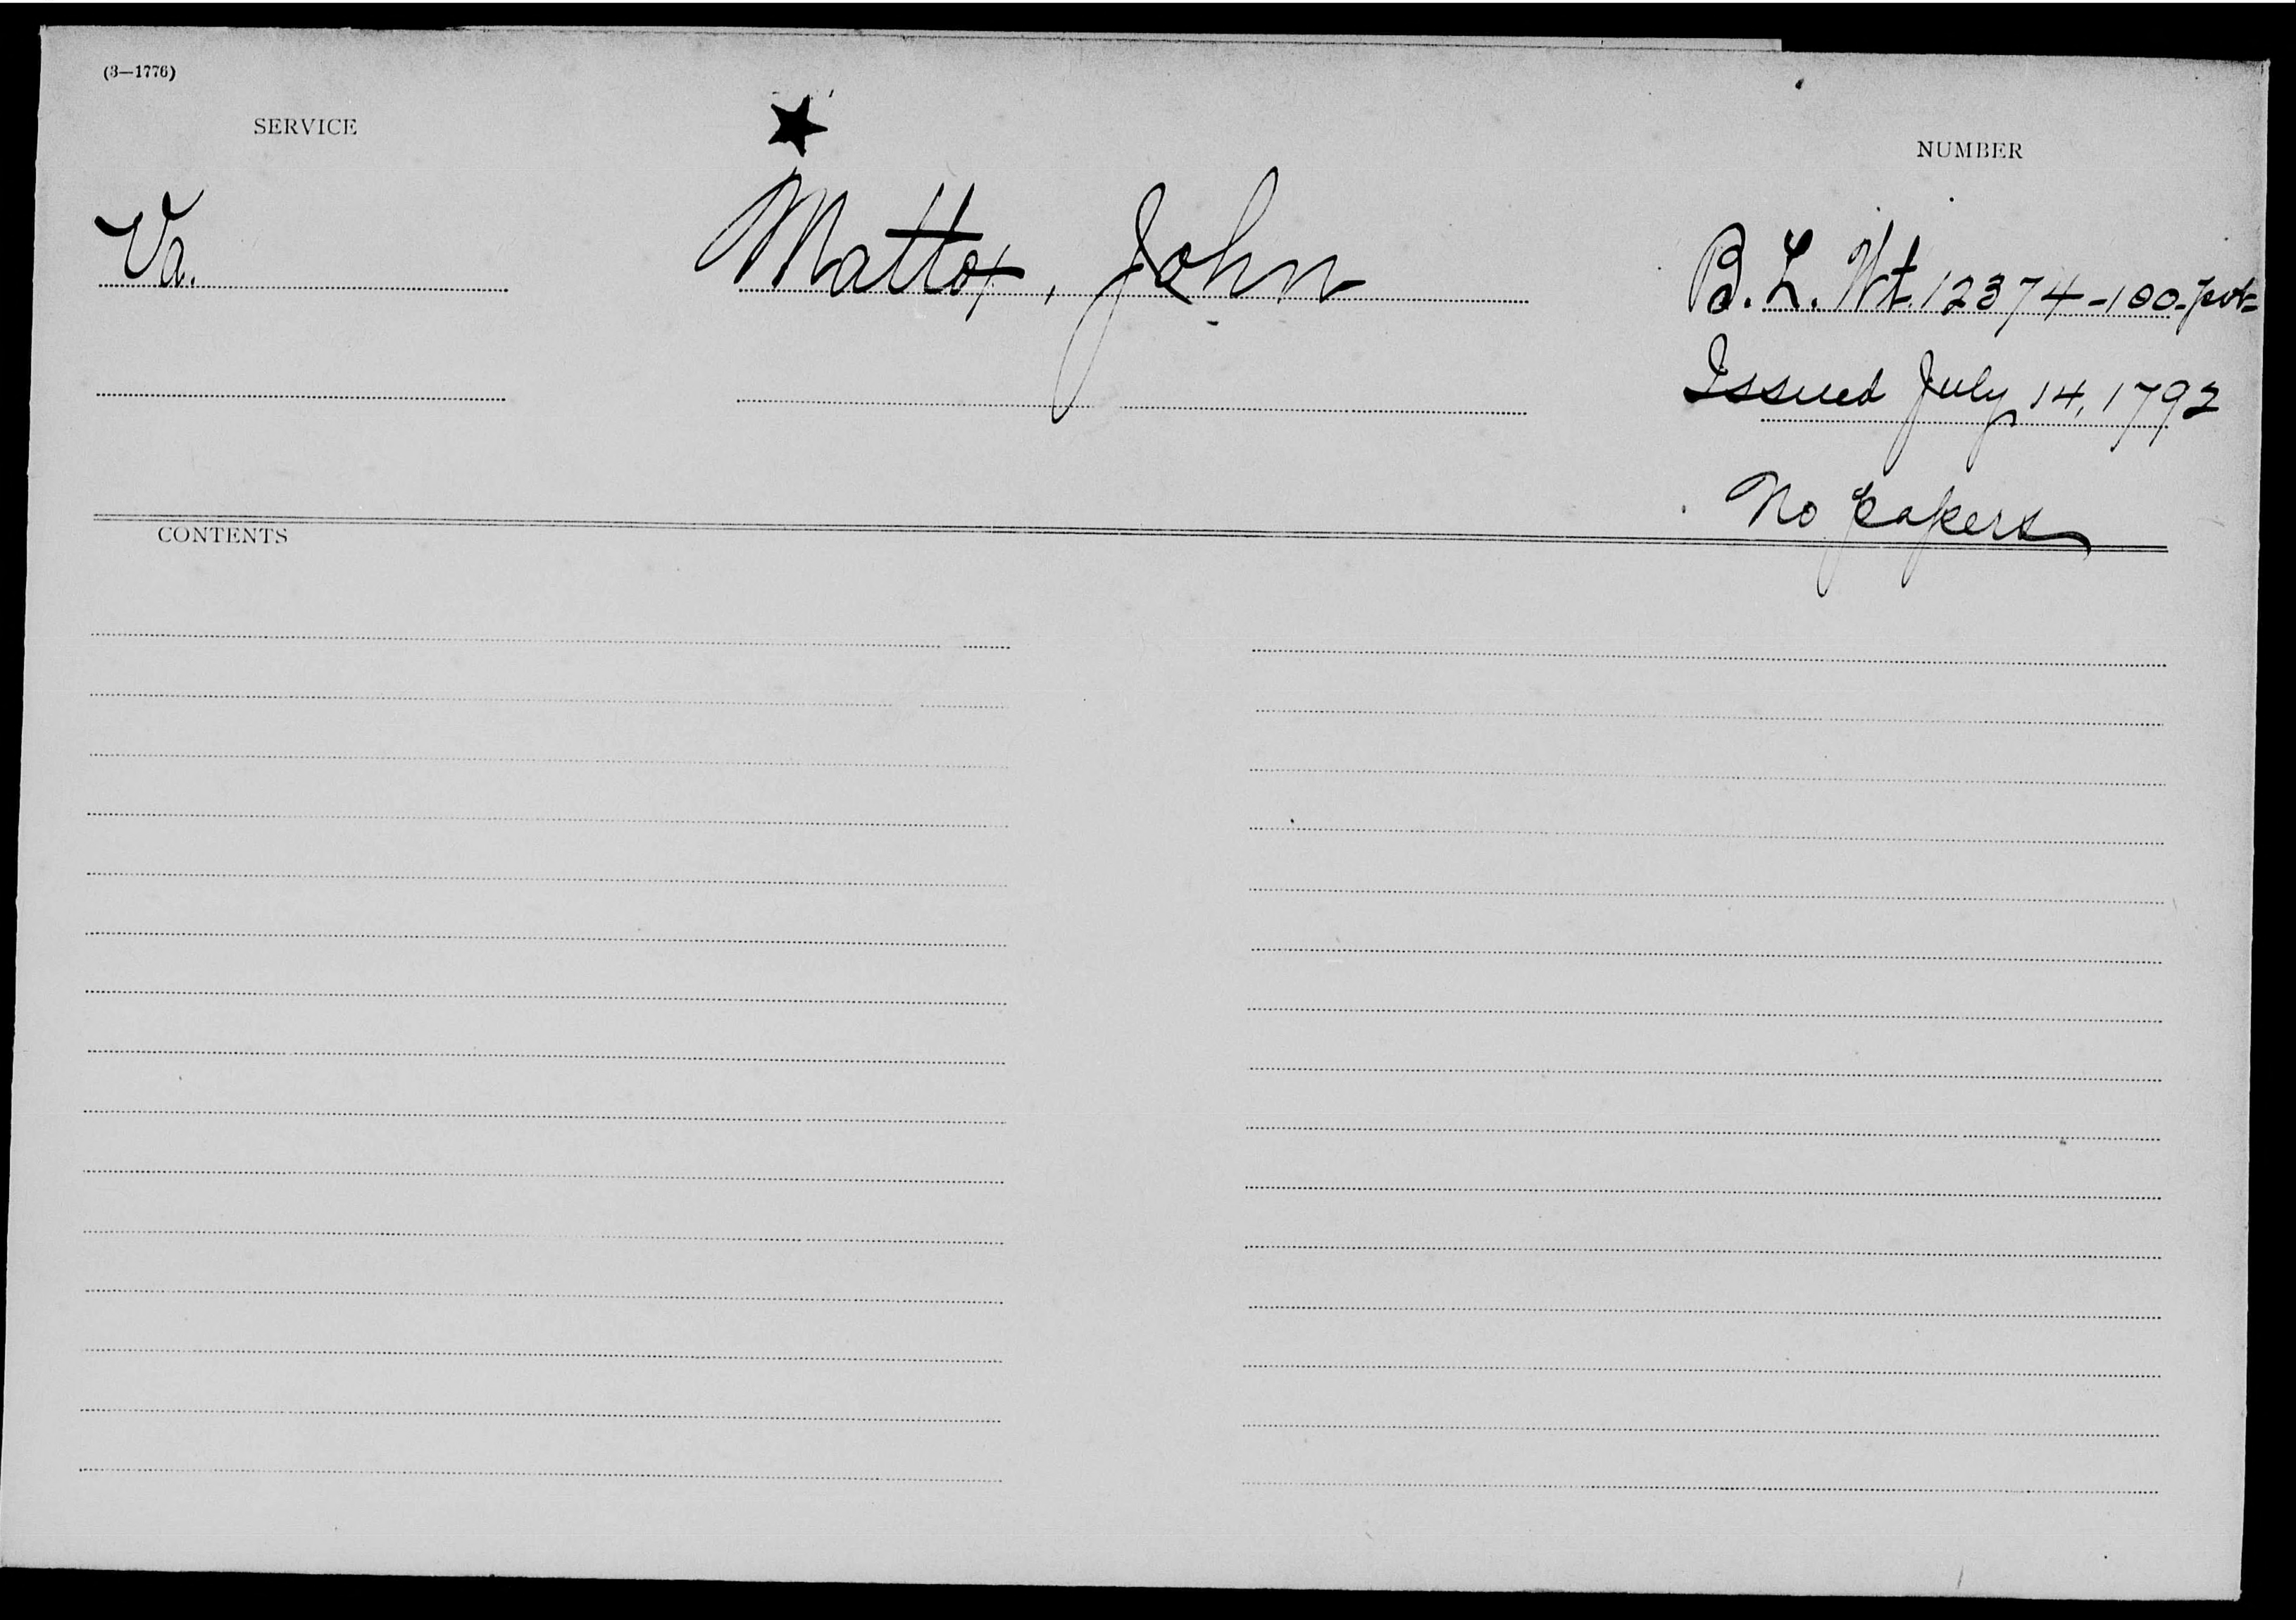(3-1776)

SERVICE | | NUMBER
Va. | ★ Mattox, John | B.L.Wt. 12374-100- (illegible)
 | | Issued July 14, 1792
No papers

CONTENTS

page: 1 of 5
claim: bounty land warrant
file: B.L.Wt. 12374-100, for John Mattox, Virginia